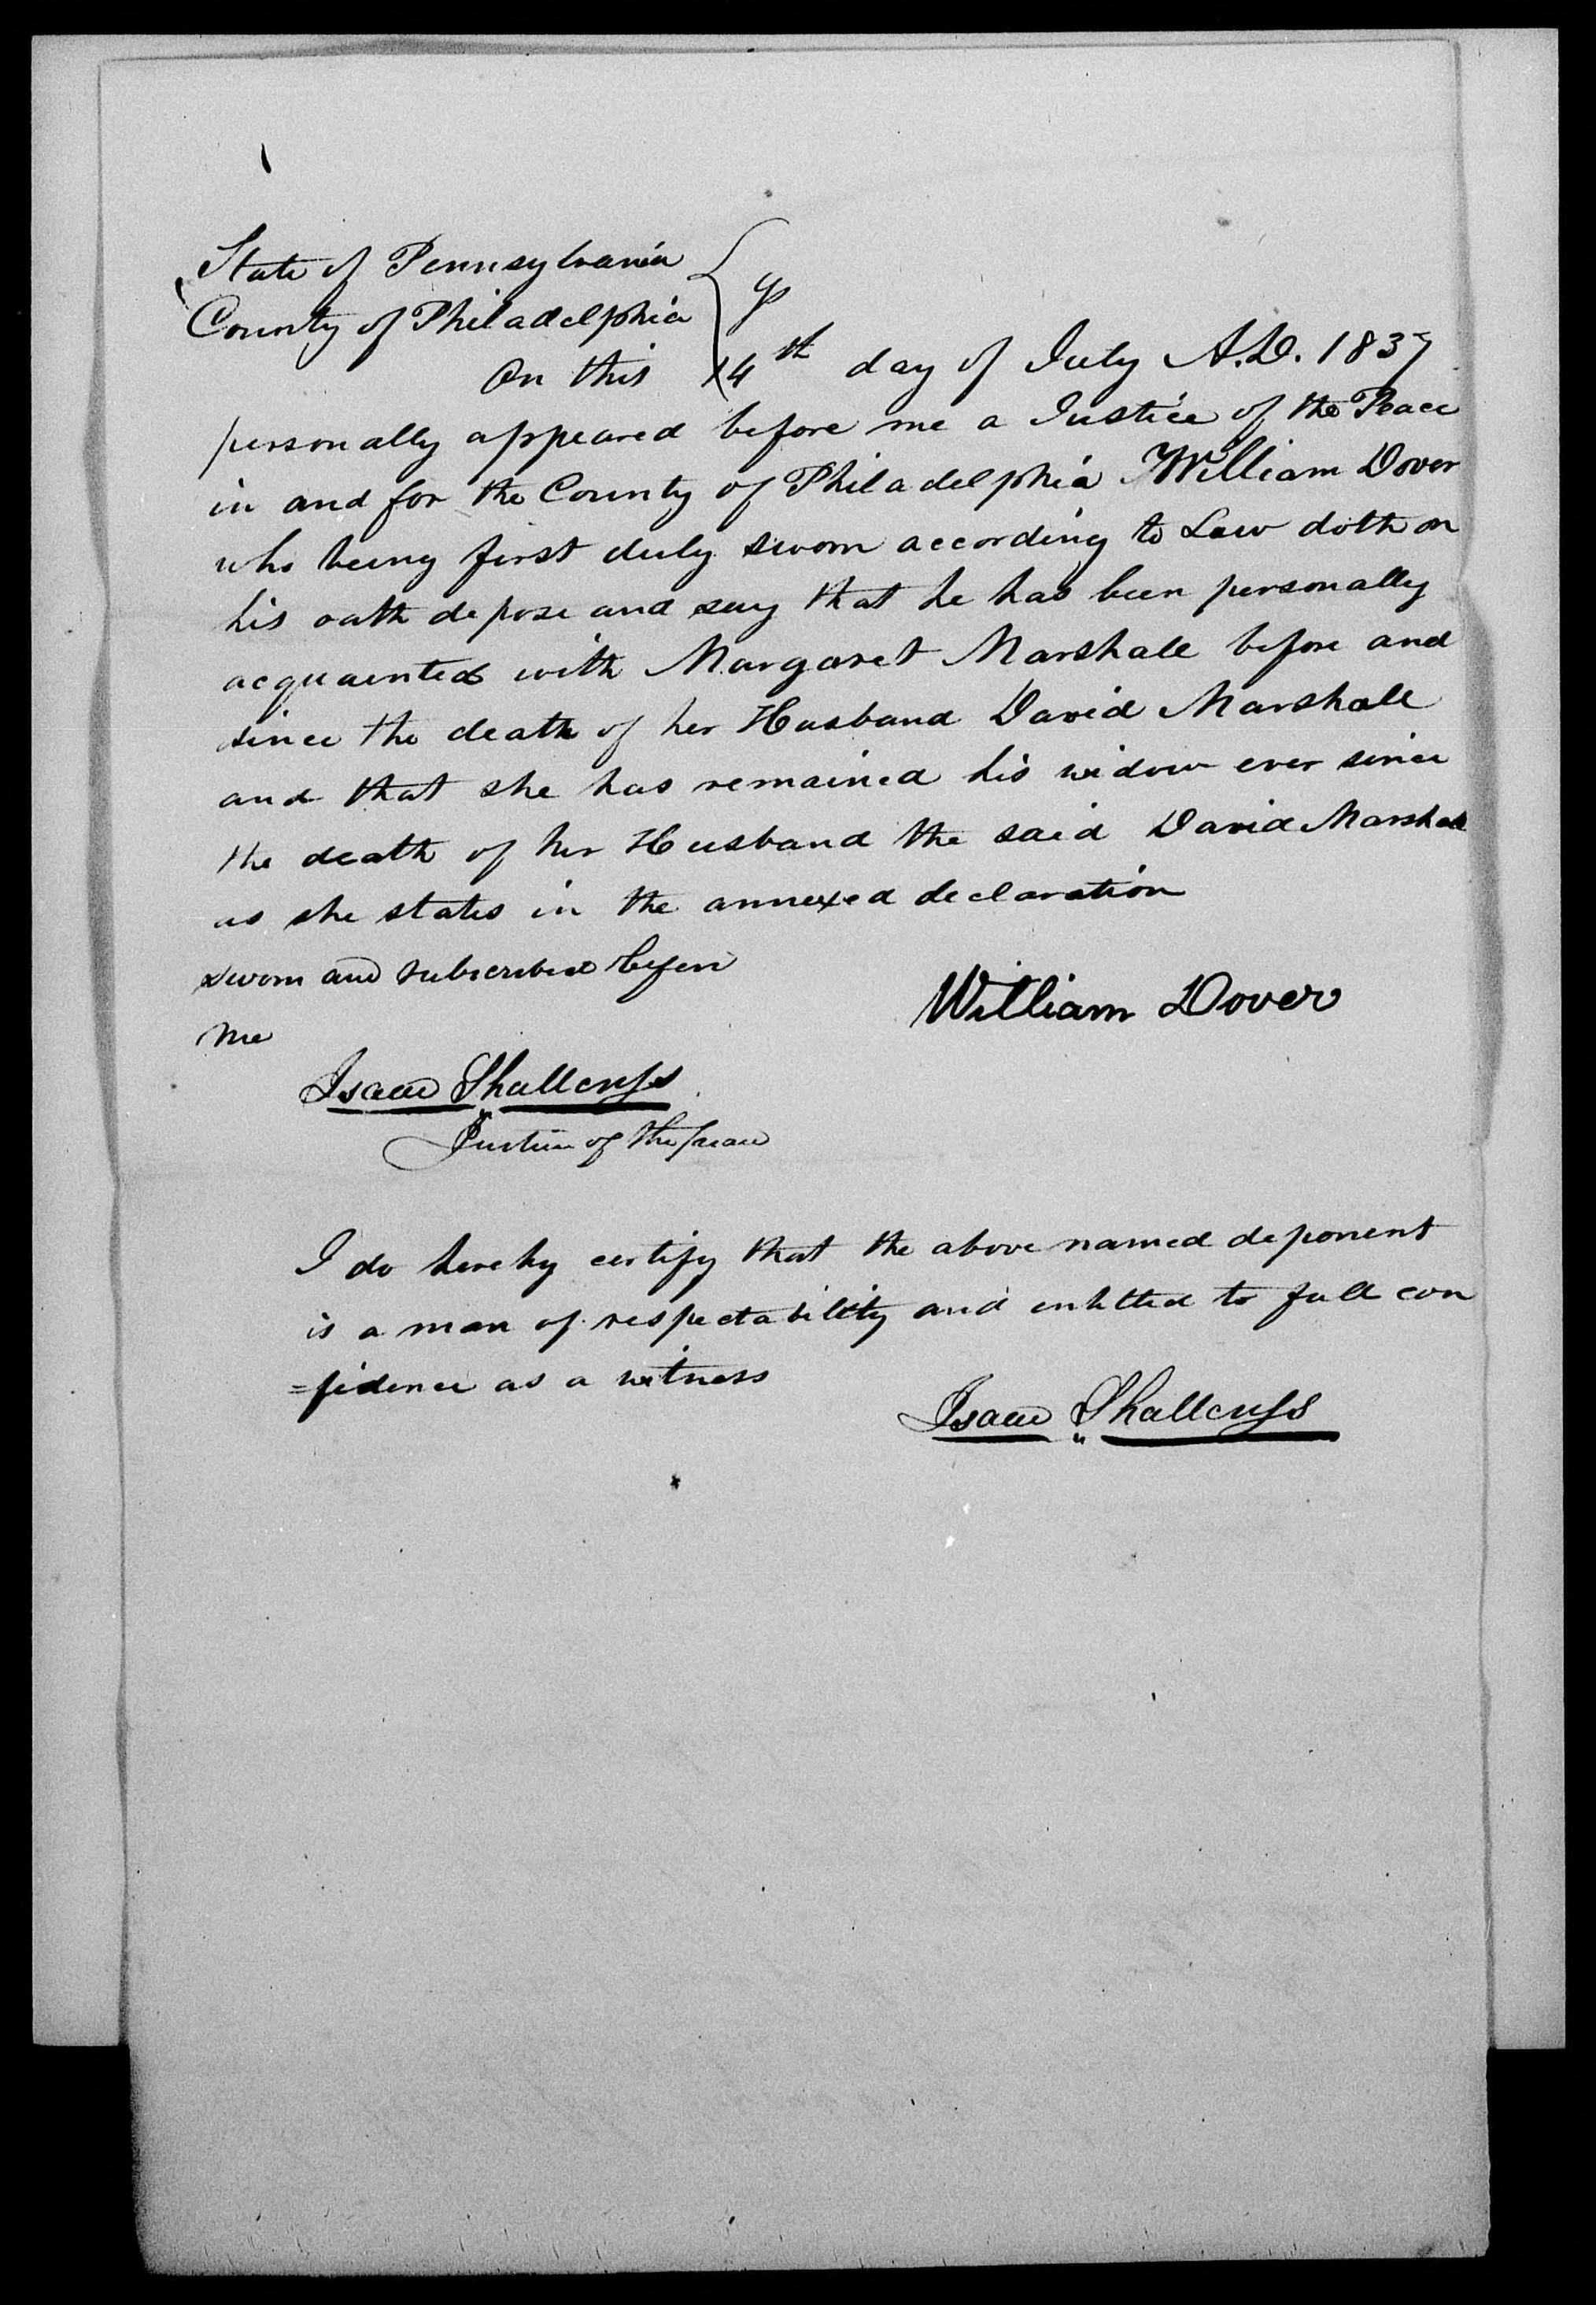State of Pennsylvania
County of Philadelphia
On this 14th day of July A.D. 1837 personally appeared before me a Justice of the Peace in and for the County of Philadelphia William Dover who being first duly sworn according to Law doth on his oath pose and say that he has been personally acquainted with Margaret Marshall before and since the death of her Husband David Marshall and that she has remained his widow ever since the death of her Husband the said David Marshall as she states in the annexed declaration
William Dover
sworn and subscribed before me
Isaac Shallcross [underlined]
Justice of the Peace
I do hereby certify that the above named deponent is a man of respectability and [] to full confidence as a witness
Isaac Shallcross [underlined]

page: 19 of 86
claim: widow's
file: W. 3571, for David Marshall, Pennsylvania